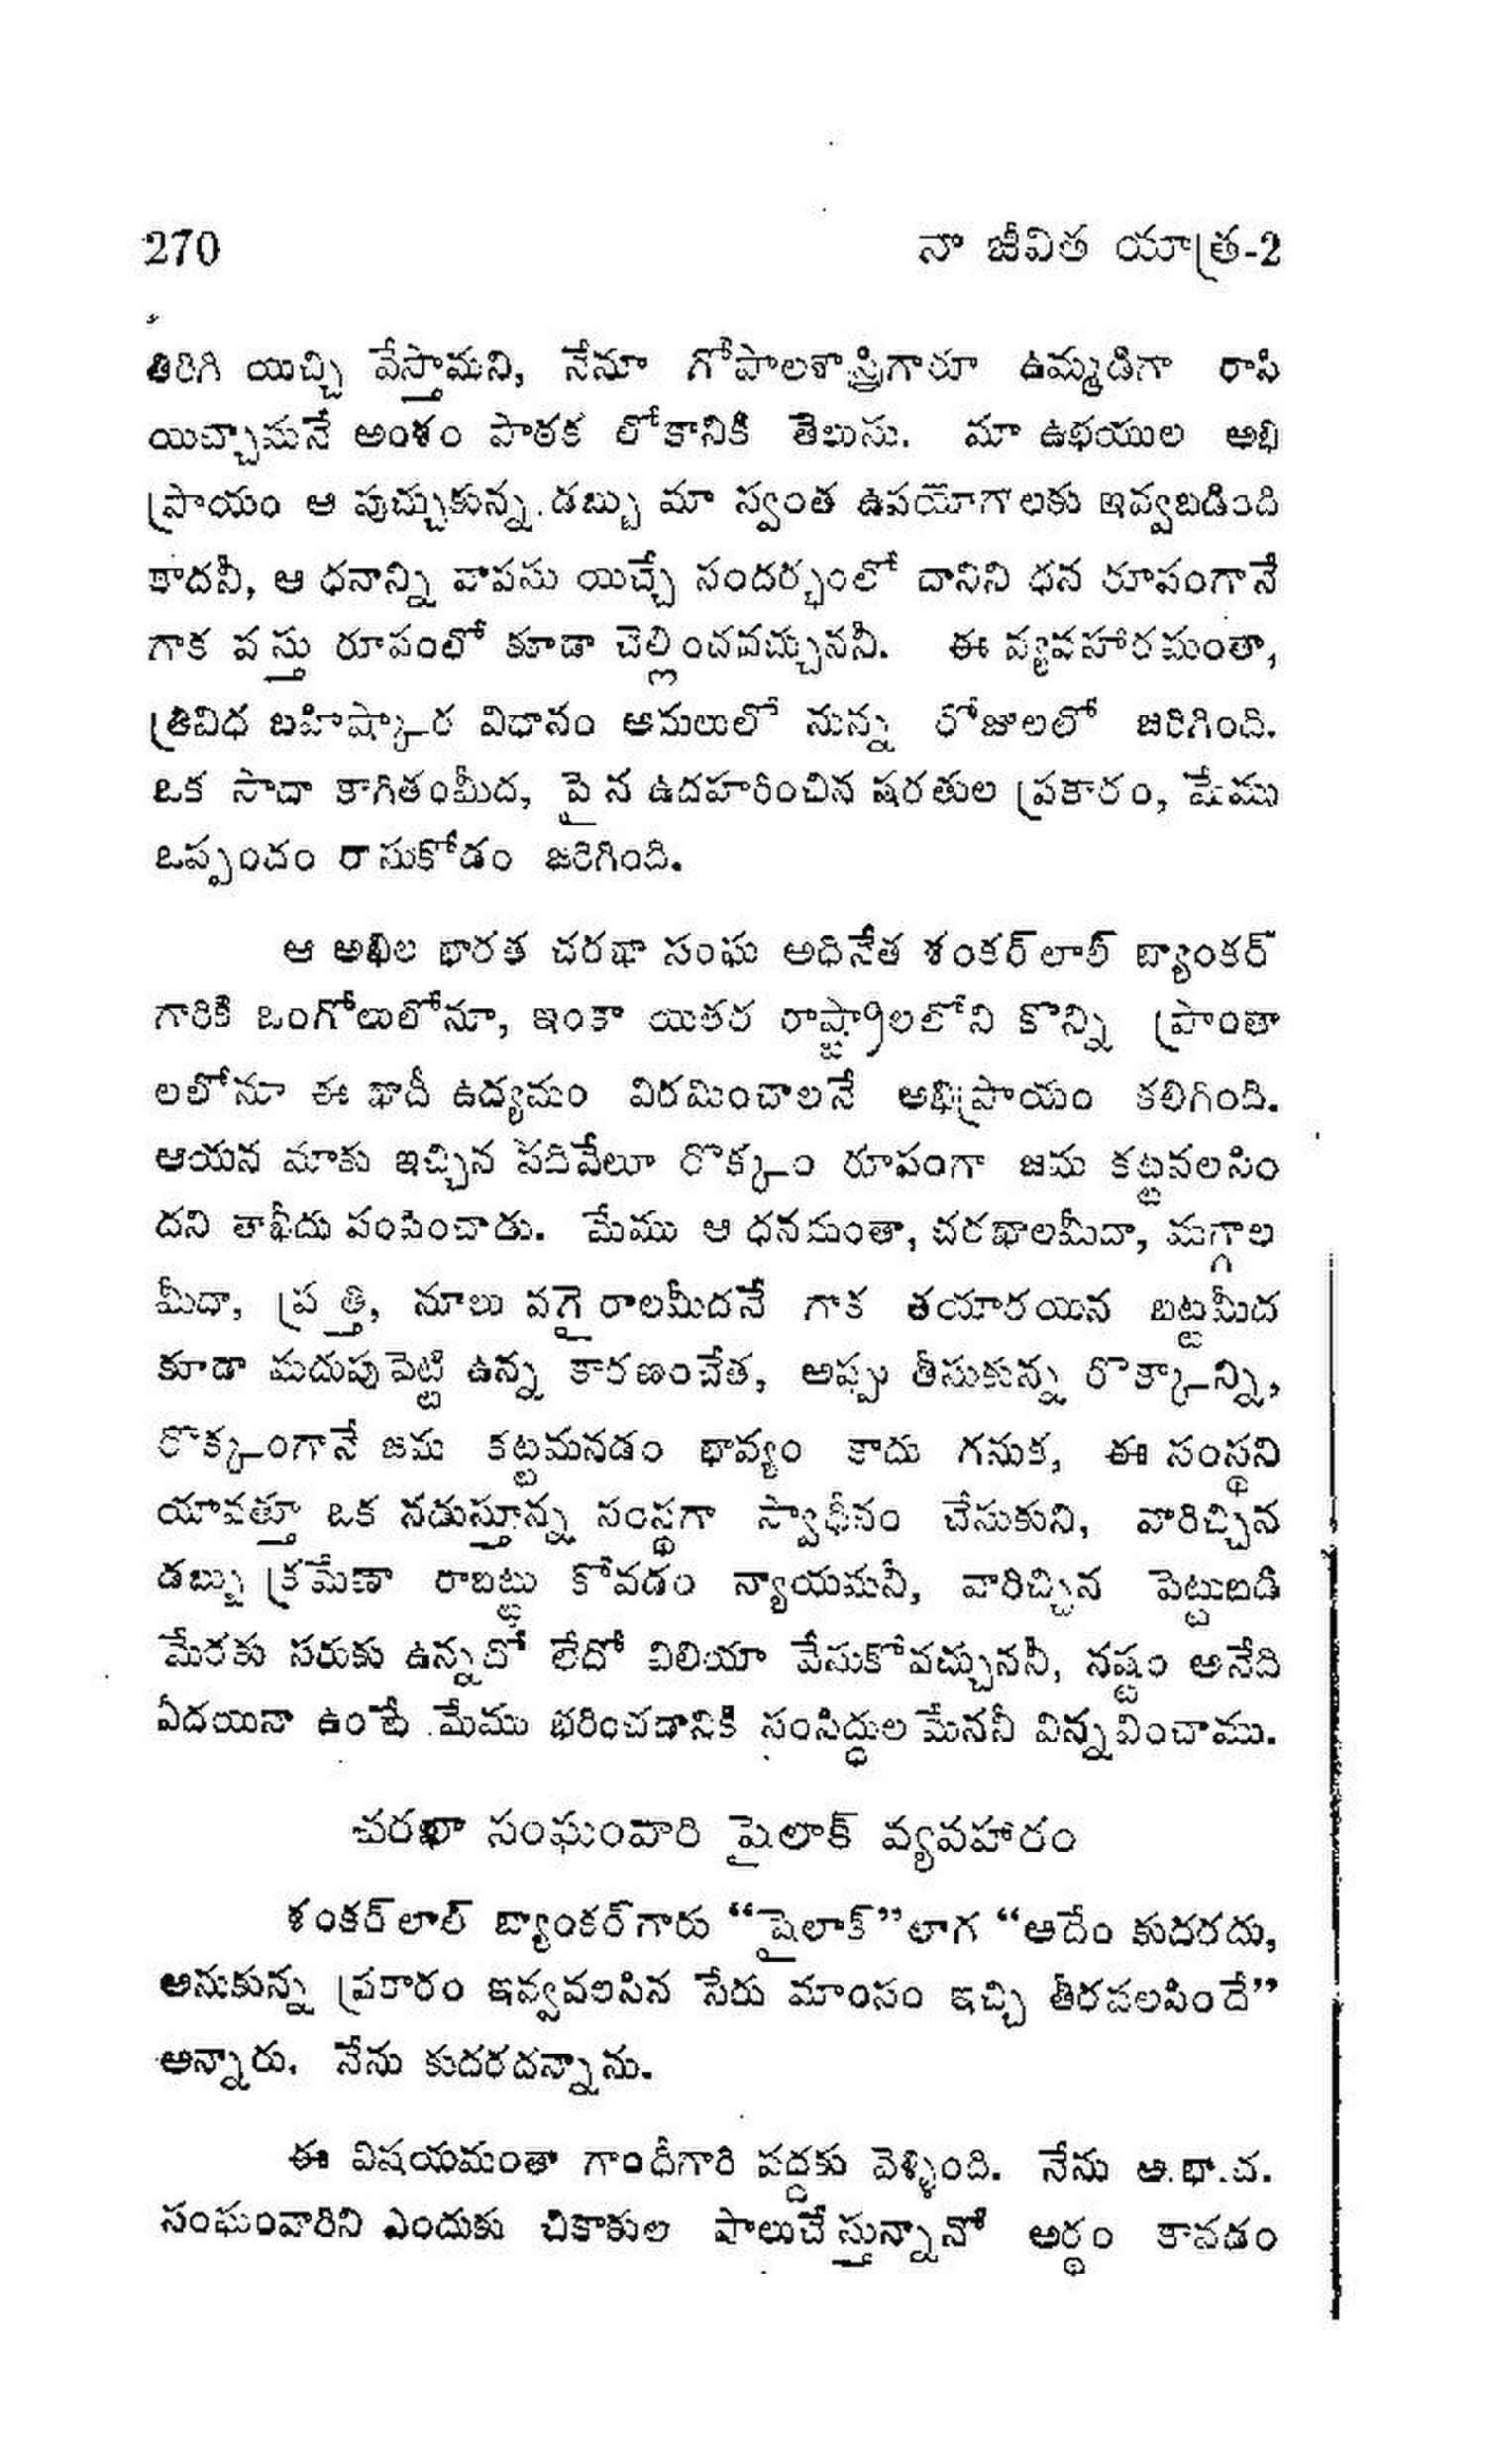తిరిగి యిచ్చి వేస్తామని, నేనూ గోపాలశాస్త్రిగారూ ఉమ్మడిగా రాసి యిచ్చామనే అంశం పాఠక లోకానికి తెలుసు. మా ఉభయుల అభిప్రాయం అ పుచ్చుకున్న డబ్బు మా స్వంత ఉపయోగాలకు ఇవ్వబడింది కాదనీ, ఆ ధనాన్ని వాపసు యిచ్చే సందర్భంలో దానిని ధన రూపంగానే గాక వస్తు రూపంలో కూడా చెల్లించవచ్చుననీ, ఈ వ్యవహారమంతా, త్రివిధ బహిష్కార విధానం అమలులో నున్న రోజులలో జరిగింది. ఒక సాదా కాగితంమీద, పైన ఉదహరించిన షరతుల ప్రకారం, మేము ఒప్పందం రాసుకోవడం జరిగింది.

ఆ అఖిల భారత చరఖా సంఘ అధినేత శంకర్‌లాల్ బ్యాంకర్ గారికి ఒంగోలులోనూ, ఇంకా యితర రాష్ట్రాలలోని కొన్ని ప్రాంతాలలోనూ ఈ ఖాదీ ఉధ్యమం విరమించాలనే అభిప్రాయం కలిగింది. ఆయన మాకు ఇచ్చిన పదివేలూ రొక్కం రూపంగా జమ కట్టవలసిందని తాఖీదు పంపించాడు. మేము ఆ ధనమంతా, చరఖాలమీద, మగ్గాలమీద, ప్రత్తి, నూలు వగైరాలమీదనే గాక తయారయిన బట్టమీద కూడా మదుపు పెట్టి ఉన్న కారణంచేత, అప్పు తీసుకున్న రొక్కాన్ని, రొక్కంగానే జమ కట్టమనడం భావ్యం కాదు గనుక, ఈ సంస్థని యావత్తూ ఒక నడుస్తూన్న సంస్థగా స్వాధీనం చేసుకుని, వారిచ్చిన డబ్బు క్రమేణా రాబట్టు కోవడం న్యాయమనీ, వారిచ్చిన పెట్టుబడి మేరకు సరుకు ఉన్నదో లేదో విలియా వేసుకోవచ్చుననీ, నష్టం అనేది ఏదయినా ఉంటే మేము భరించడానికి సంసిద్ధుల మేననీ విన్నవించాము.

శంకర్‌లాల్ బ్యాంకర్‌గారు "షైలాక్"లాగ "అదేం కుదరదు, అనుకున్న ప్రకారం ఇవ్వవలసిన సేరు మాంసం ఇచ్చి తీరవలసిందే" అన్నారు. నేను కుదరదన్నాను.

ఈ విషయమంతా గాంధీగారి వద్దకు వెళ్ళింది. నేను అ. భా. చ. సంఘంవారిని ఎందుకు చికాకుల పాలుచేస్తున్నావో అర్థం కావడం